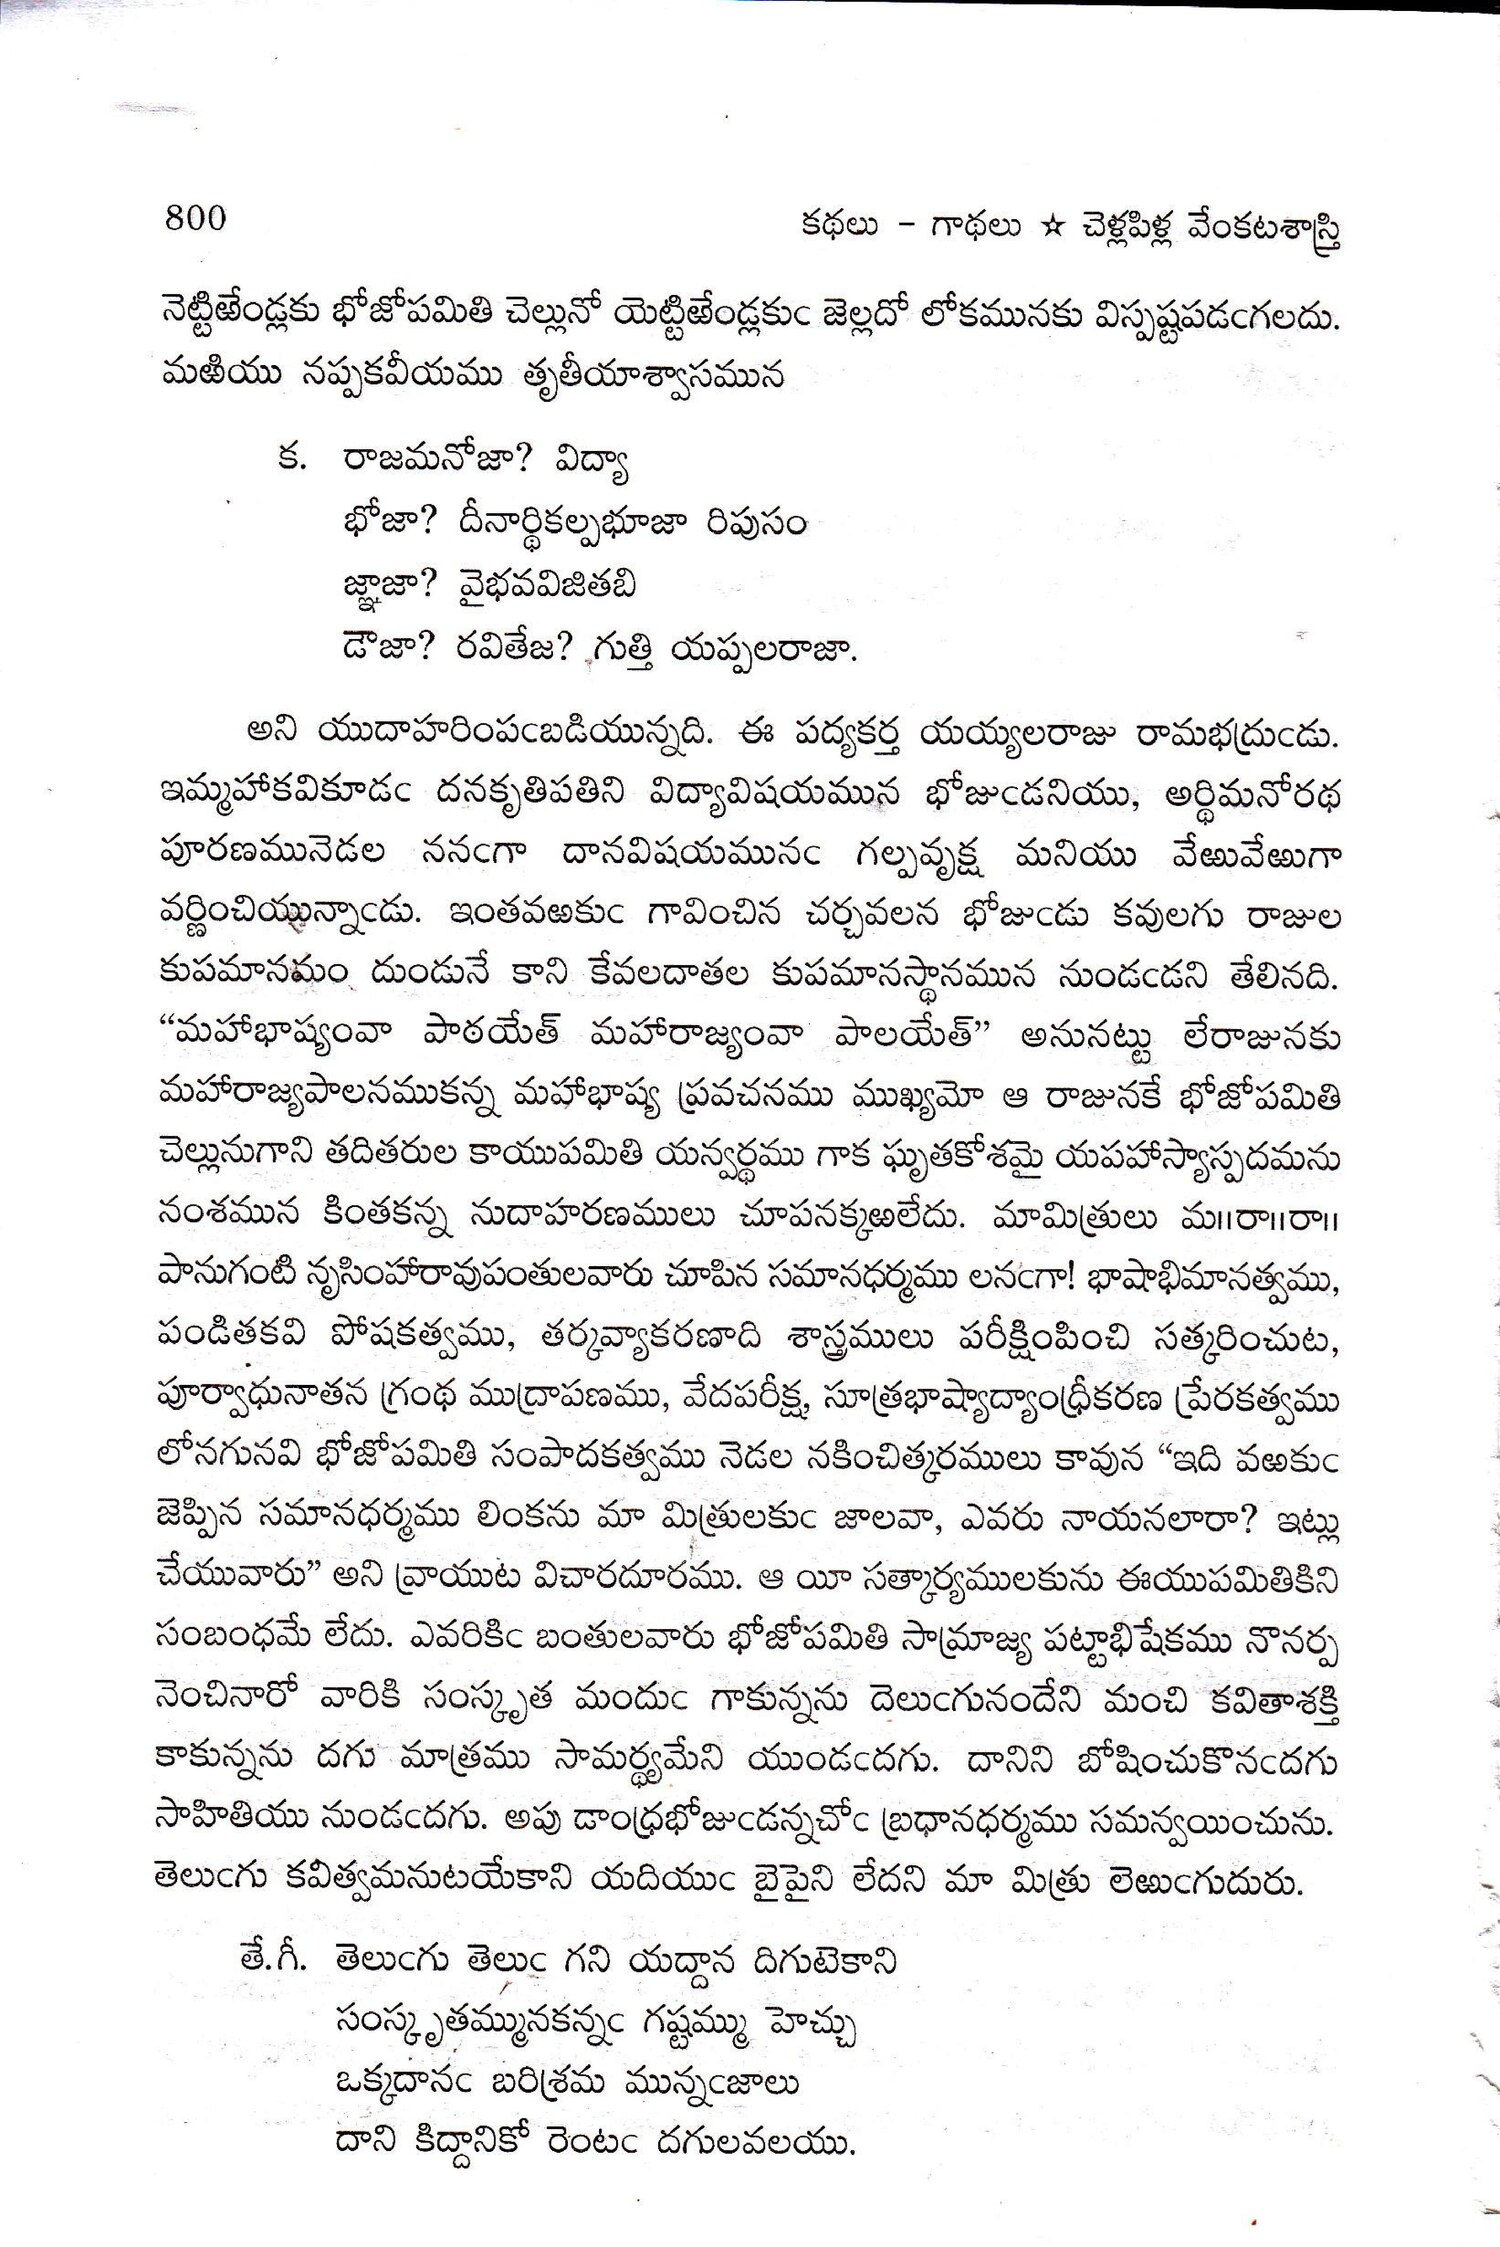నెట్టిఱేండ్లకు భోజోపమితి చెల్లునో యెట్టిఱేండ్లకుఁ జెల్లదో లోకమునకు విస్పష్టపడఁగలదు. మఱియు నప్పకవీయము తృతీయాశ్వాసమున 

క. రాజమనోజా? విద్యా
 భోజా? దీనార్థికల్పభూజా రిపసం 
 జ్ఞాజా? వైభవవిజితబి 
 డౌజా? రవితేజ? గుత్తి యప్పలరాజా,
అని యుదాహరింపఁబడియున్నది. ఈ పద్యకర్త యయ్యలరాజు రామభద్రుఁడు. ఇమ్మహాకవికూడఁ దనకృతిపతిని విద్యావిషయమున భోజుఁడనియు, అర్థిమనోరథ పూరణమునెడల ననcగా దానవిషయమునఁ గల్పవృక్ష మనియు వేఱువేఱుగా వర్ణించియున్నాఁడు. ఇంతవఱకుఁ గావించిన చర్చవలన భోజుఁడు కవులగు రాజుల కుపమానమం దుండునే కాని కేవలదాతల కుపమానస్థానమున నుండఁడని తేలినది. “మహాభాష్యంవా పాఠయేత్ మహారాజ్యంవా పాలయేత్" అనునట్టు లేరాజునకు మహారాజ్యపాలనముకన్న మహాభాష్య ప్రవచనము ముఖ్యమో ఆ రాజునకే భోజోపమితి చెల్లునుగాని తదితరుల కాయుపమితి యన్వర్ధము గాక ఘృతకోశమై యపహాస్యాస్పదమను నంశమున కింతకన్న నుదాహరణములు చూపనక్కఱలేదు. మామిత్రులు మIIరా||రా|| పానుగంటి నృసింహారావుపంతులవారు చూపిన సమానధర్మము లనఁగా భాషాభిమానత్వము, పండితకవి పోషకత్వము, తర్కవ్యాకరణాది శాస్త్రములు పరీక్షింపించి సత్కరించుట, పూర్వాధునాతన గ్రంథ ముద్రాపణము, వేదపరీక్ష సూత్రభాష్యాద్యాంద్రీకరణ ప్రేరకత్వము లోనగునవి భోజోపమితి సంపాదకత్వము నెడల నకించిత్కరములు కావున "ఇది వఱకుఁ జెప్పిన సమానధర్మము లింకను మా మిత్రులకుఁ జాలవా, ఎవరు నాయనలారా? ఇట్లు చేయువారు" అని వ్రాయుట విచారదూరము. ఆ యీ సత్కార్యములకును ఈయుపమితికిని సంబంధమే లేదు. ఎవరికిఁ బంతులవారు భోజోపమితి సామ్రాజ్య పట్టాభిషేకము నొనర్ప నెంచినారో వారికి సంస్కృత మందుఁ గాకున్నను దెలుఁగునందేని మంచి కవితాశక్తి కాకున్నను దగు మాత్రము సామర్ధ్యమేని యుండఁదగు. దానిని బోషించుకొనఁదగు సాహితియు నుండఁదగు. అపు డాంధ్రభోజుఁడన్నచోఁ బ్రధానధర్మము సమన్వయించును. తెలుఁగు కవిత్వమనుటయేకాని యదియుఁ బైపైని లేదని మా మిత్రు లెఱుఁగుదురు.

తే.గీ. తెలుఁగు తెలుఁ గని యద్ధాన దిగుటెకాని
 సంస్కృతమ్మునకన్నఁ గష్ణమ్ము హెచ్చు 
 ఒక్కదానఁ బరిశ్రమ మున్నఁజాలు 
 దాని కిద్దానికో రెంటఁ దగులవలయు,